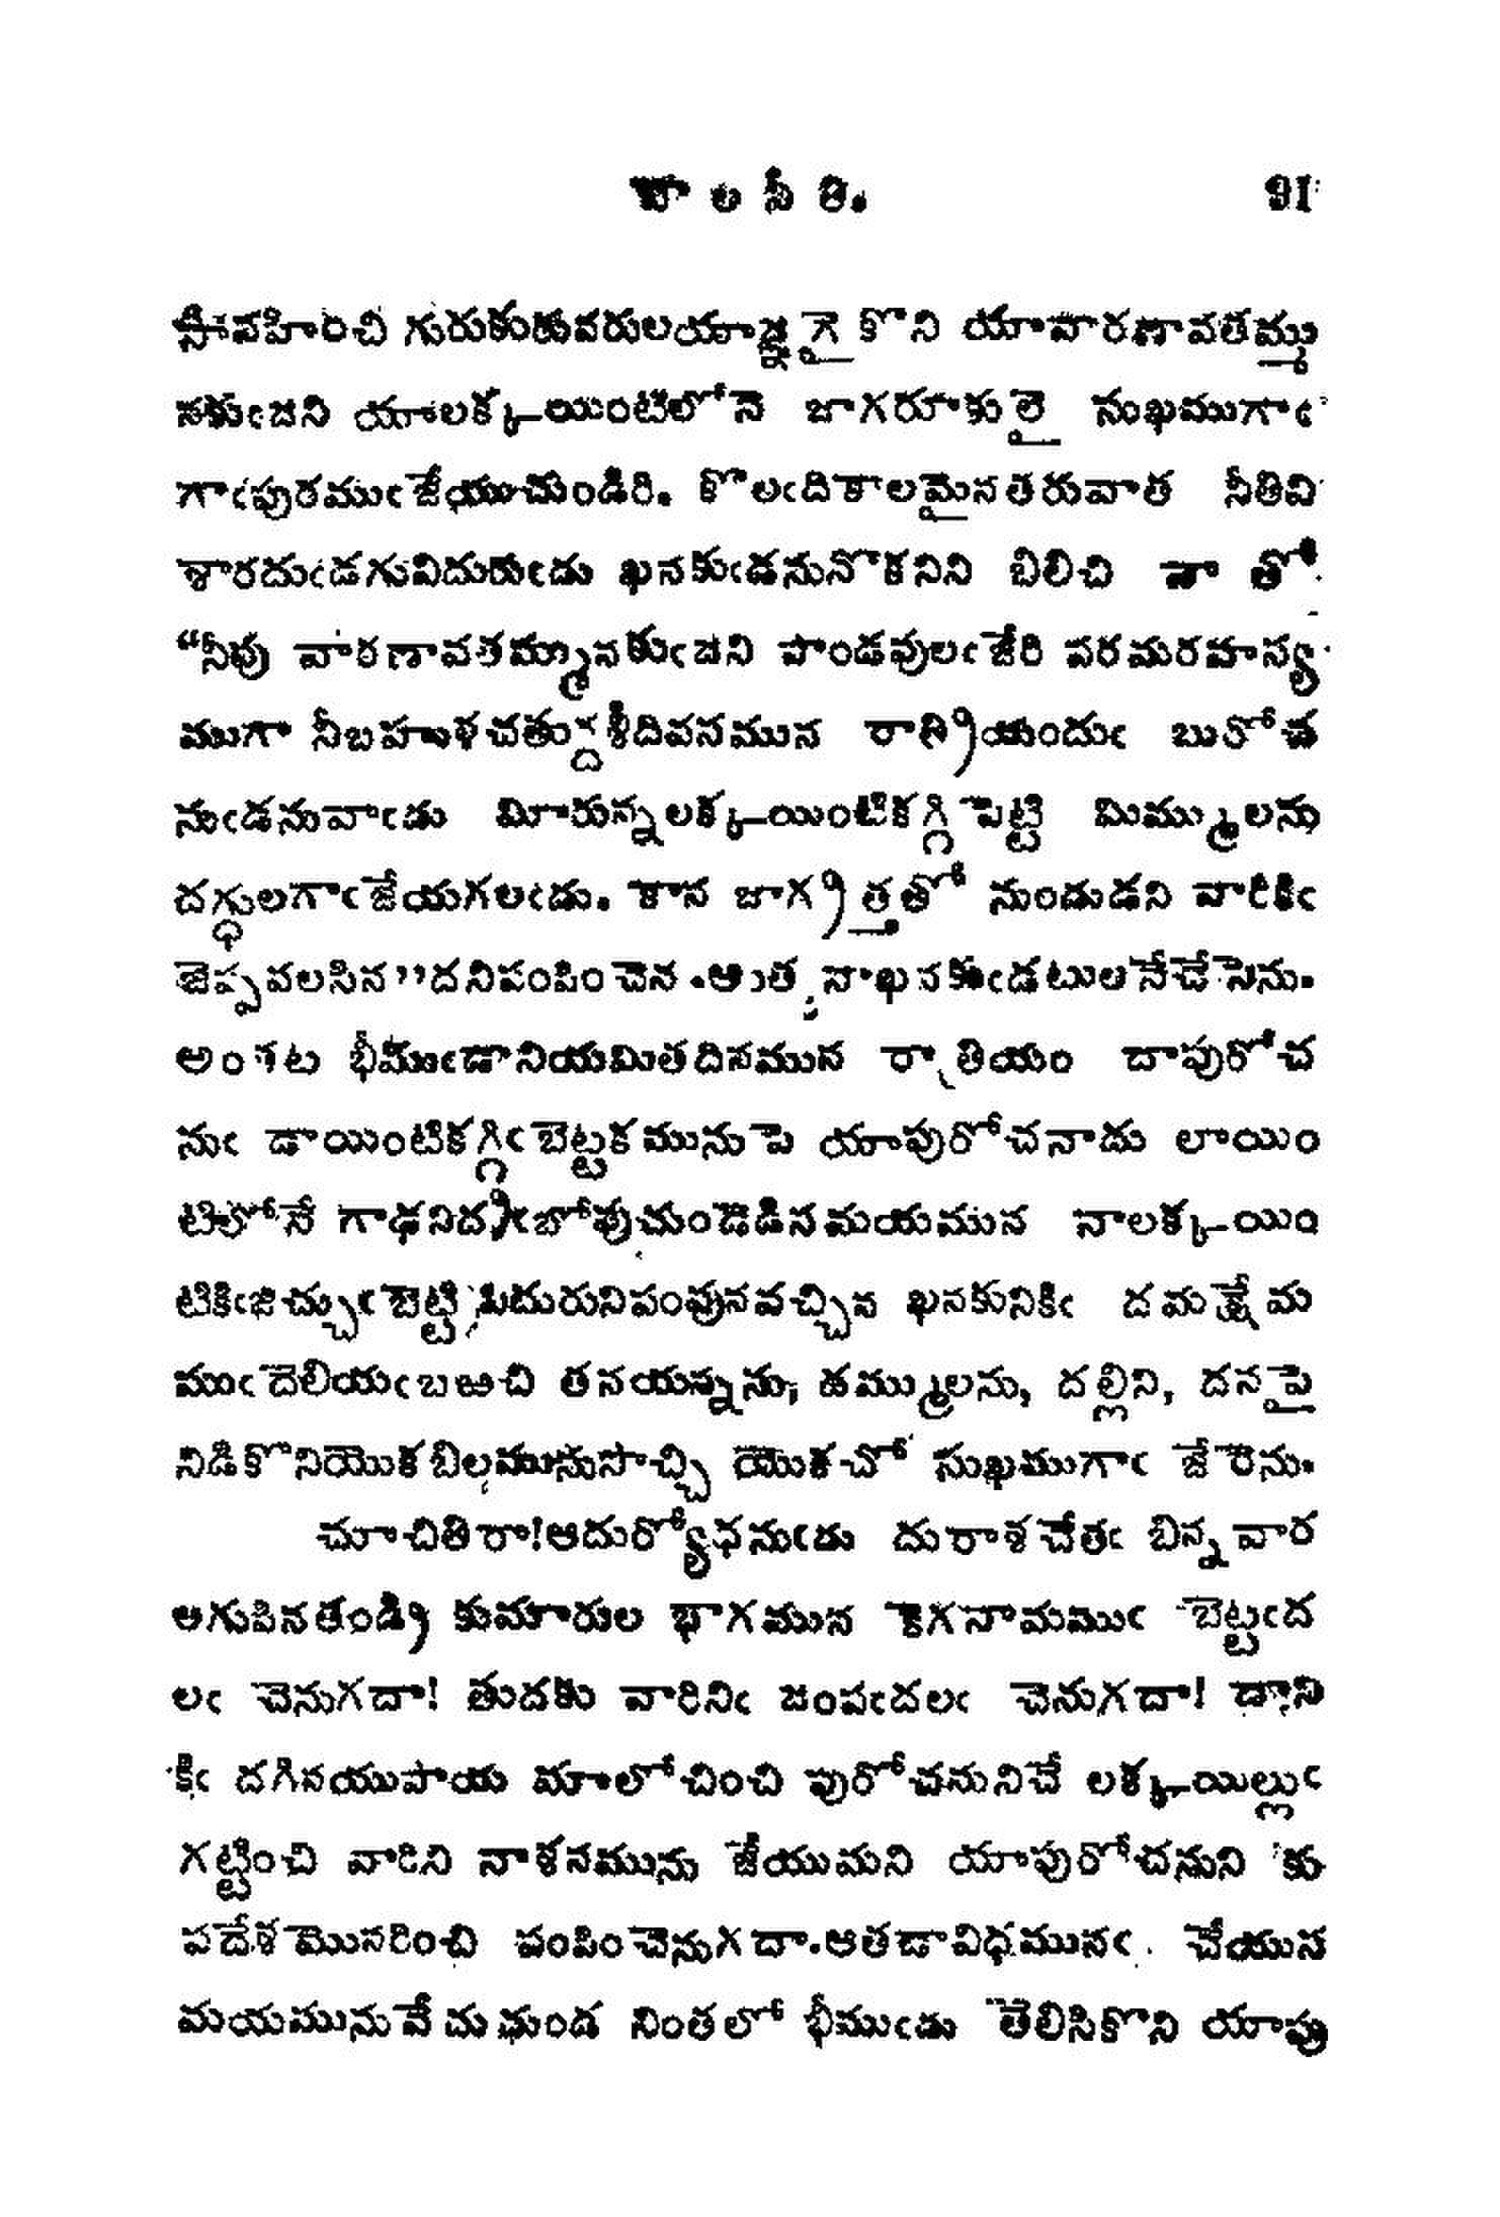సావహించి గురుకురువరులయాజ్ఞగైకొని యావారణావతమ్ము 
నకుఁజని యాలక్కయింటిలోనె జాగరూకులై సుఖముగాఁ 
గాఁపురముఁజేయుచుండిరి. కొలఁదికాలమైనతరువాత నీతివి
శారదుఁడగువిదురుఁడు ఖనకుఁడనునొకనిని బిలిచి నా తో 
"నీవు వారణావతమ్మునకుఁజని పాండవులఁజేరి పరమరహస్య
ముగా నీబహుళచతుర్దశీదివసమున రాత్రియందుఁ బురోచ
నుఁడనువాఁడు మీరున్నలక్కయింటికగ్గి పెట్టి మిమ్ములను 
దగ్ధులుగాఁజేయగలఁడు. కాన జాగ్రత్తతో నుండుడని వారికిఁ 
జెప్పవలసిన"దని పంపించెను. అంత నాఖనకుడటులనేచేసెను. 
అంతట భీముఁడానియమితదినమున రాత్రియం దాపురోచ
నుఁ డాయింటికగ్గిబెట్టకమునుపె యాపురోచనాదు లాయిం
టిలోనే గాఢనిద్రఁబోవుచుండెడిసమయమున నాలక్కయిం
టికిఁజిచ్చుఁబెట్టి విదురునిపంపునవచ్చిన ఖనకునికిఁ దమక్షేమ
ముఁదెలియఁబఱచి తనయన్నను, దమ్ములను, దల్లిని, దనపై
నిడికొని యొకబిలమునుసొచ్చి యొకచో సుఖముగాఁ జేరెను.

చూచితిరా! ఆదుర్యోధనుఁడు దురాశచేతఁ బిన్నవార
అగుపినతండ్రి కుమారుల భాగమున కెగనామముఁ బెట్టఁద
లఁ చెనుగదా! తుదకు వారినిఁ జంపఁదలఁ చెనుగదా! దాని
కిఁ దగినయుపాయ మాలోచించి పురోచనునిచే లక్కయిల్లుఁ 
గట్టించి వారిని నాశనమును జేయుమని యాపురోచనుని కు
పదేశమొనరించి పంపించెనుగదా. ఆతడావిధమునఁ చేయుస
మయమును వేచుచుండ నింతలో భీముఁడు తెలిసికొని యాపు